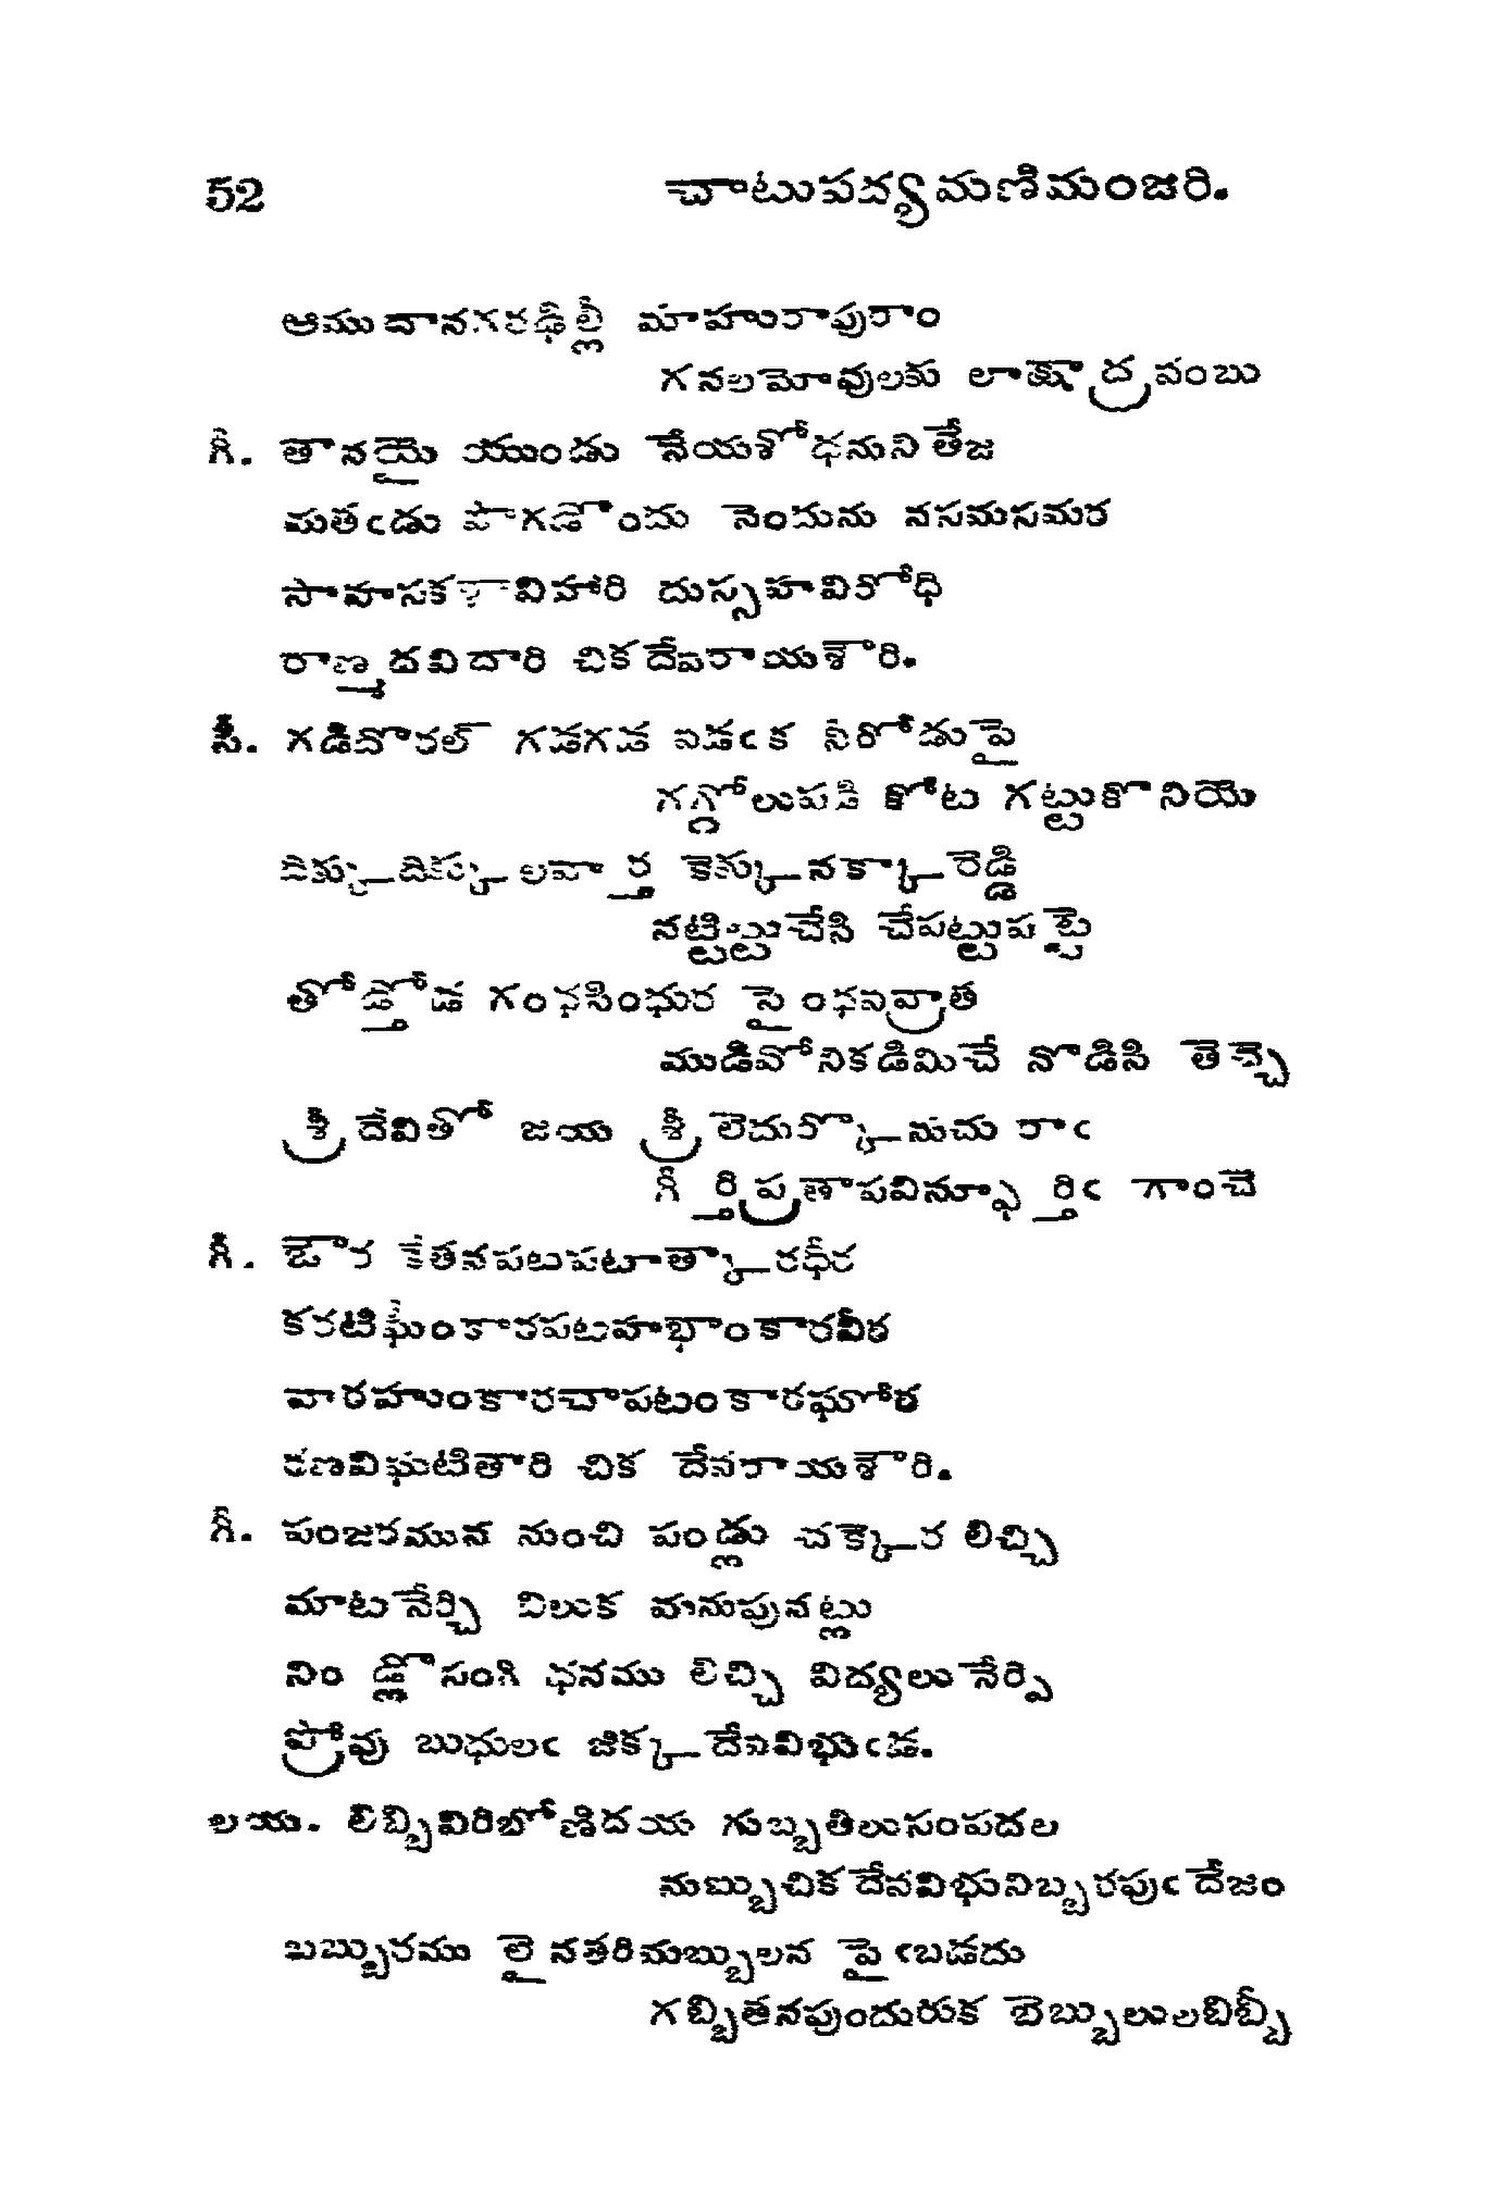ఆముదానగరఢిల్లీమాహురాపురాం
 గనలమోవులకు లాక్షాద్రవంబు
గీ. తానయై యుండు నేయశోధనునితేజ
 మతఁడు పొగడొందు నెందును నసమసమర
 సాహసకళావిహారి దుస్సహవిరోధి
 రాణ్మదవిదారి చికదేవరాయశౌరి.
సీ. గడిదొరల్ గడగడ వడఁక నీరోడుపై
 గగ్గోలుపడి కోట గట్టుకొనియె
 దిక్కుదిక్కులవార్త కెక్కునక్కారెడ్డి
 నట్టిట్టుచేసి చేపట్టు పట్టె
 తోడ్తోడ గంధసింధురసైంధవవ్రాత
 ముడివోనికడిమిచే నొడిసితెచ్చె
 శ్రీదేవితో జయశ్రీ లెదుర్కొనుచు రాఁ
 గీర్తిప్రతాపవిస్ఫూర్తిఁ గాంచె
గీ. ఔర కేతనపటపటాత్కారధీర
 కరటిఘీంకారపటహభాంకారవీర
 వారహుంకారచాపటంకారఘోర
 రణవిఘటితారి చికదేవరాయశౌరి.
గీ. పంజరమున నుంచి పండ్లు చక్కెర లిచ్చి
 మాట నేర్పి చిలుక మనుపునట్లు
 నిం డ్లొసంగి ధనము లిచ్చి విద్యలు నేర్పి
 ప్రోవు బుధులఁ జిక్కదేవవిభుఁడ.
లయగ్రాహి. లిబ్బివిరిబోణిదయ గుబ్బతిలుసంపదల
 నుబ్బుచికదేవవిభునిబ్బరపుఁదేజం
 బబ్బురము లైనతరిమబ్బులన పైఁబడదు
 గబ్బితనపుందురుకబెబ్బులులబిబ్బీ